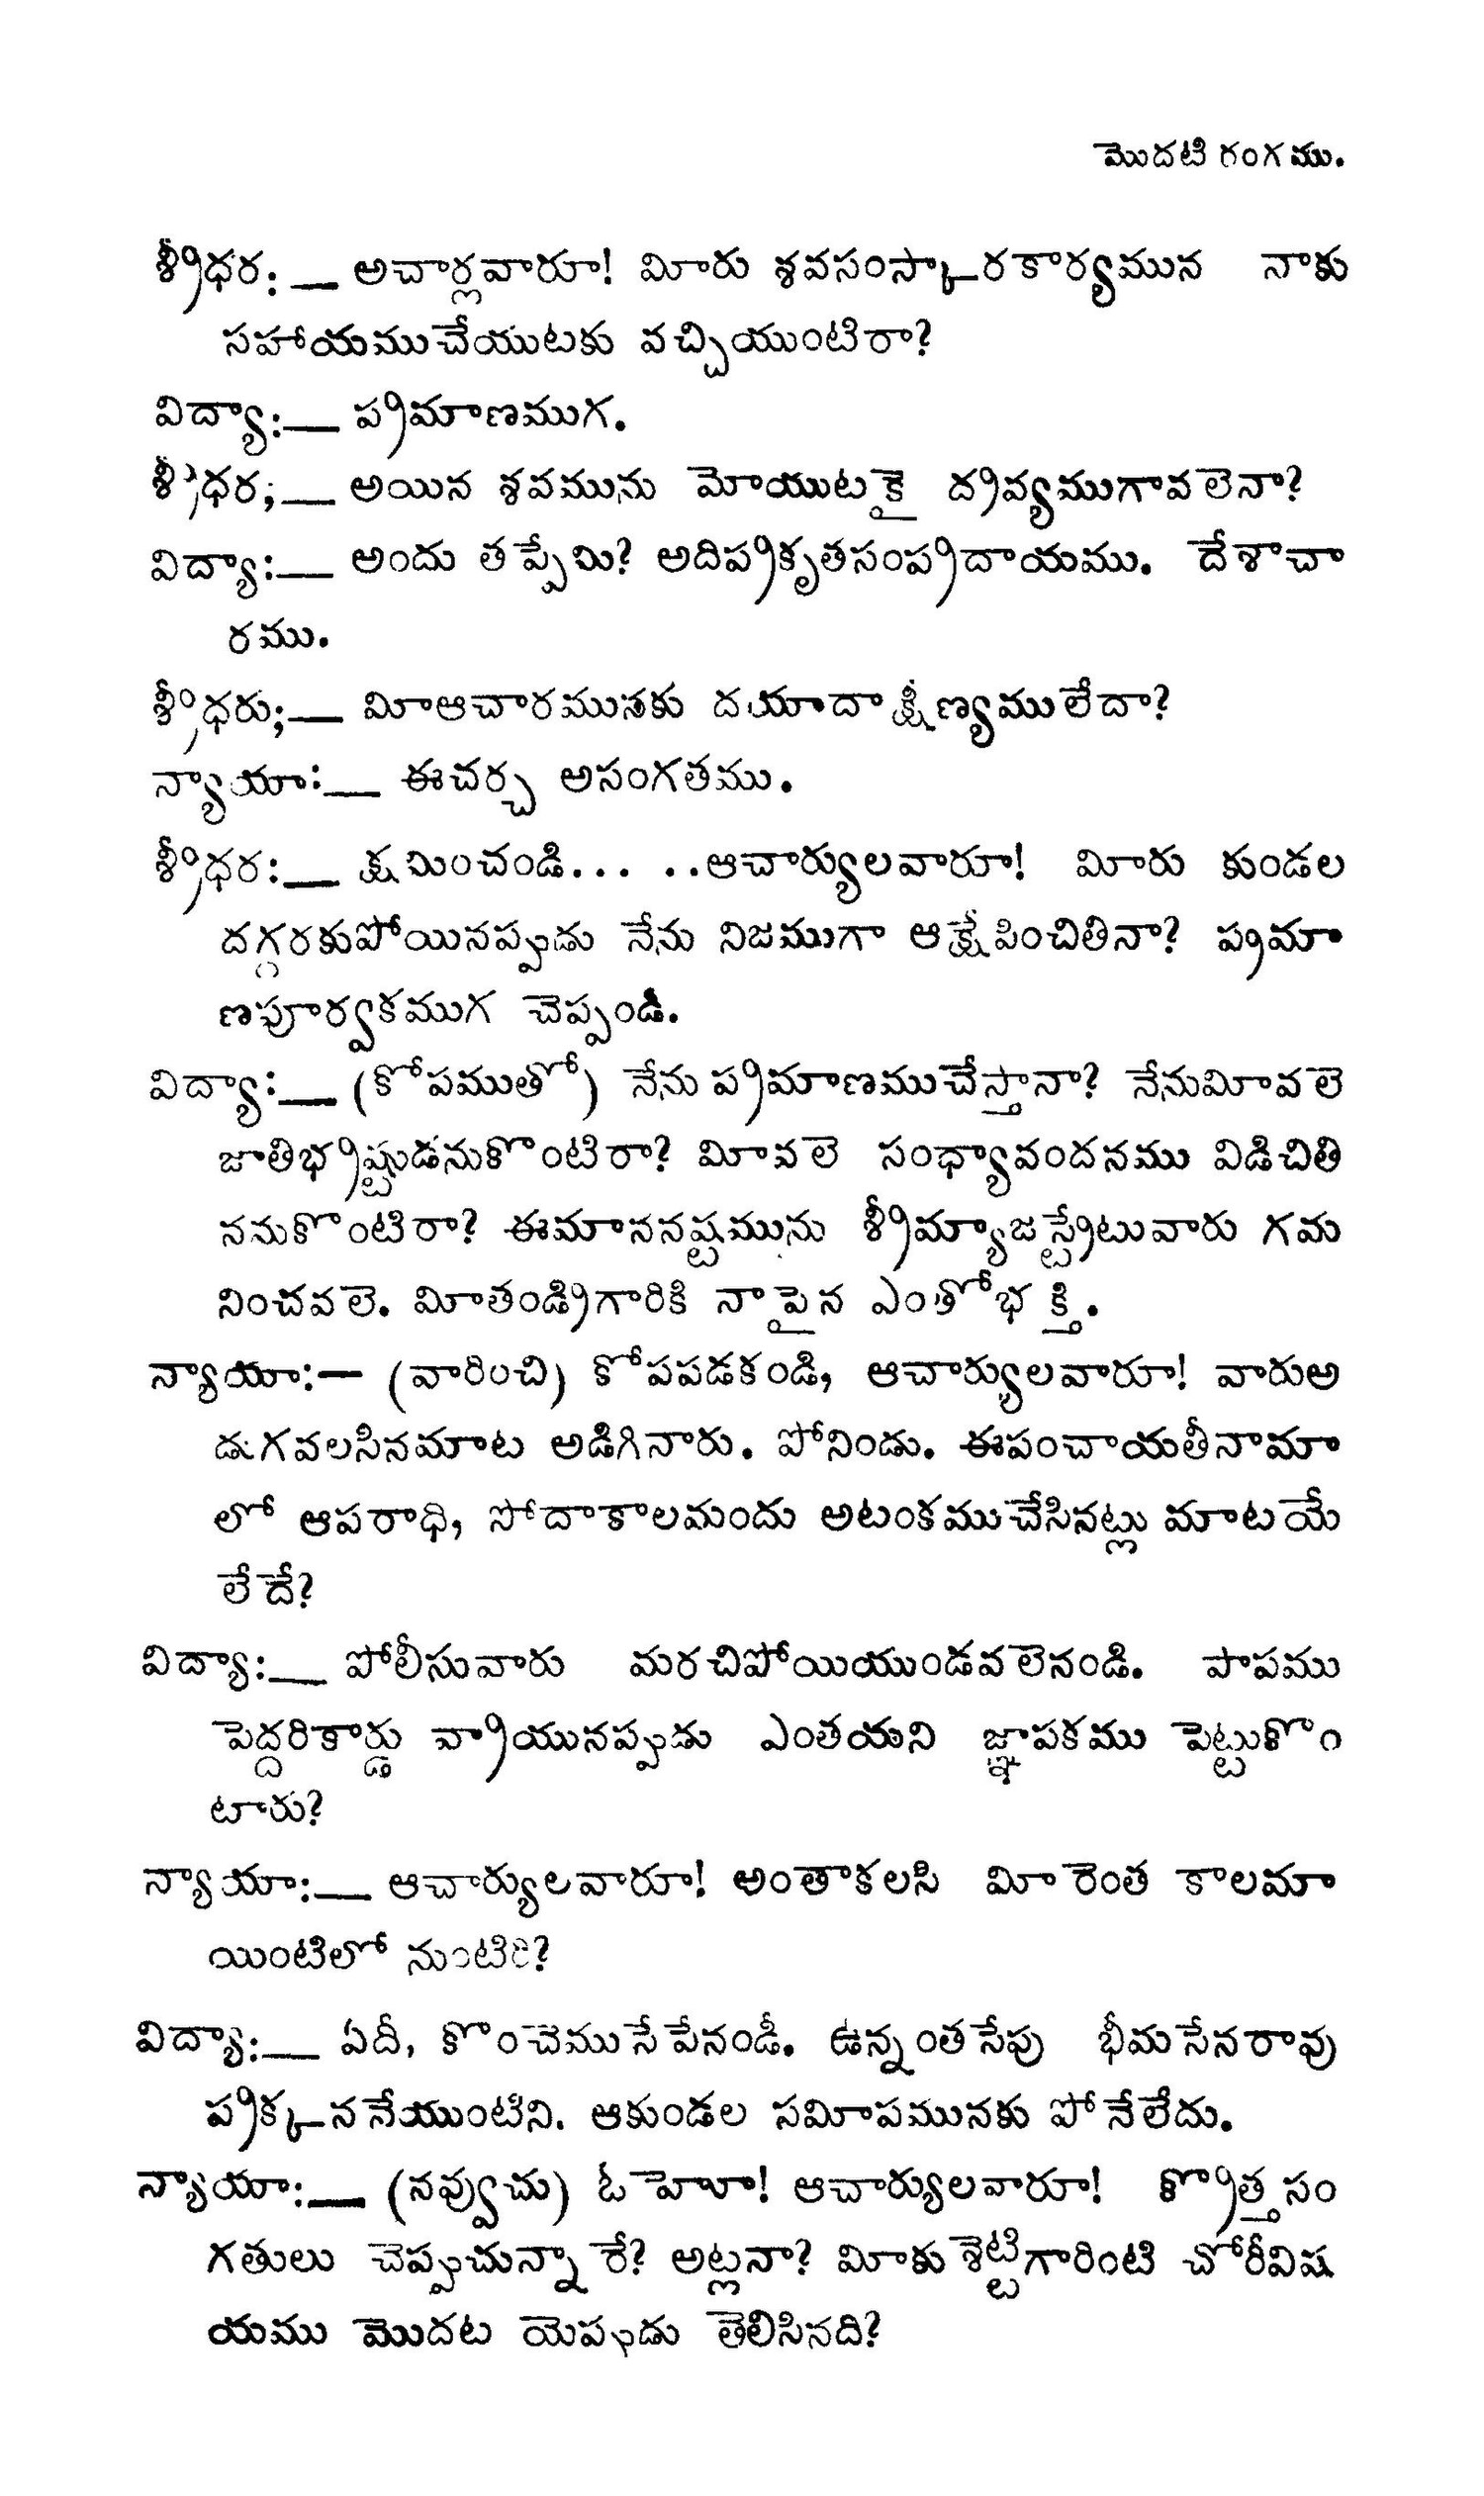శ్రీధర:--ఆచార్లవారూ! మీరు శవసంస్కారకార్యమున నాకు సహాయముచేయుటకు వచ్చియుంటిరా?

విద్యా:--ప్రమాణముగ.

శ్రీధర: అయిన శవమును మోయుటకై ద్రవ్యముగావలెనా?

విద్యా:--అందు తప్పేమి? అదిప్రకృతిసంప్రదాయము. దేశాచారము.

శ్రీధరు;--మీఆచారమునకు దయాదాక్షిన్యములేదా?

న్యాయా:-ఈచర్చ అసంగతము.

శ్రీధర:--క్షమించండి... ఆచార్యులవారూ! మీరు కుండల దగ్గరకుపొయినప్పుడు నేను నిజముగా ఆక్షేపించితిమా? ప్రమాణపూర్వకముగా చెప్పండి.

విద్యా:--(కోపముతో) నేను ప్రమాణ ముచేస్తానా? నేనుమీవలె జాతిభ్రష్టుడనుకొంటిరా? మీవలె సంధ్యావందనము విడిచితిననుకొంటిరా? ఈమాననష్టమును శ్రీమ్యాజిస్ట్రేటువారుగమనించవలె, మీతండ్రిగారికి నాపైన ఎంతోభక్తి.

న్యాయా:--(వారించి) కోపపడకండి ఆచార్యులవారూ! వారు అడుగవలసిన మాట అడగినారు, పోనిండు, ఈ పంచాయతీనామాలో అపరాధి, సొదాకాలందు ఆటంకము చేనట్లు మాటయే లేదే?

విద్యా:--పోలీసువారు మరచిపొయియుండవలెనండి. పాపము పెద్ద రికార్డు వ్రాయునప్పుడు ఎంతయని జ్ఞాపకము పెట్టుకొంటారు?

న్యాయా:-- ఆచార్యులవారూ! అంతాకలసి మీరెంత కాలమా యింటిలో నుంటిరి?

విద్యా:--ఏదీ, కొంచెముసేపండి. ఉన్నంతసేపు భీమసేనరావు ప్రక్కననేయుంటిని. ఆకుండల సమీపమునకు పోనేలేదు.

న్యాయా"--(నవ్వుచు) ఓహో! ఆచార్యులవారూ! క్రొత్తసంగతులు చెప్పుచున్నారే? అట్లనా? మీకు శెట్టిగారింటి చోరీవిషయము మొదట యెప్పుడు తెలిసినది?